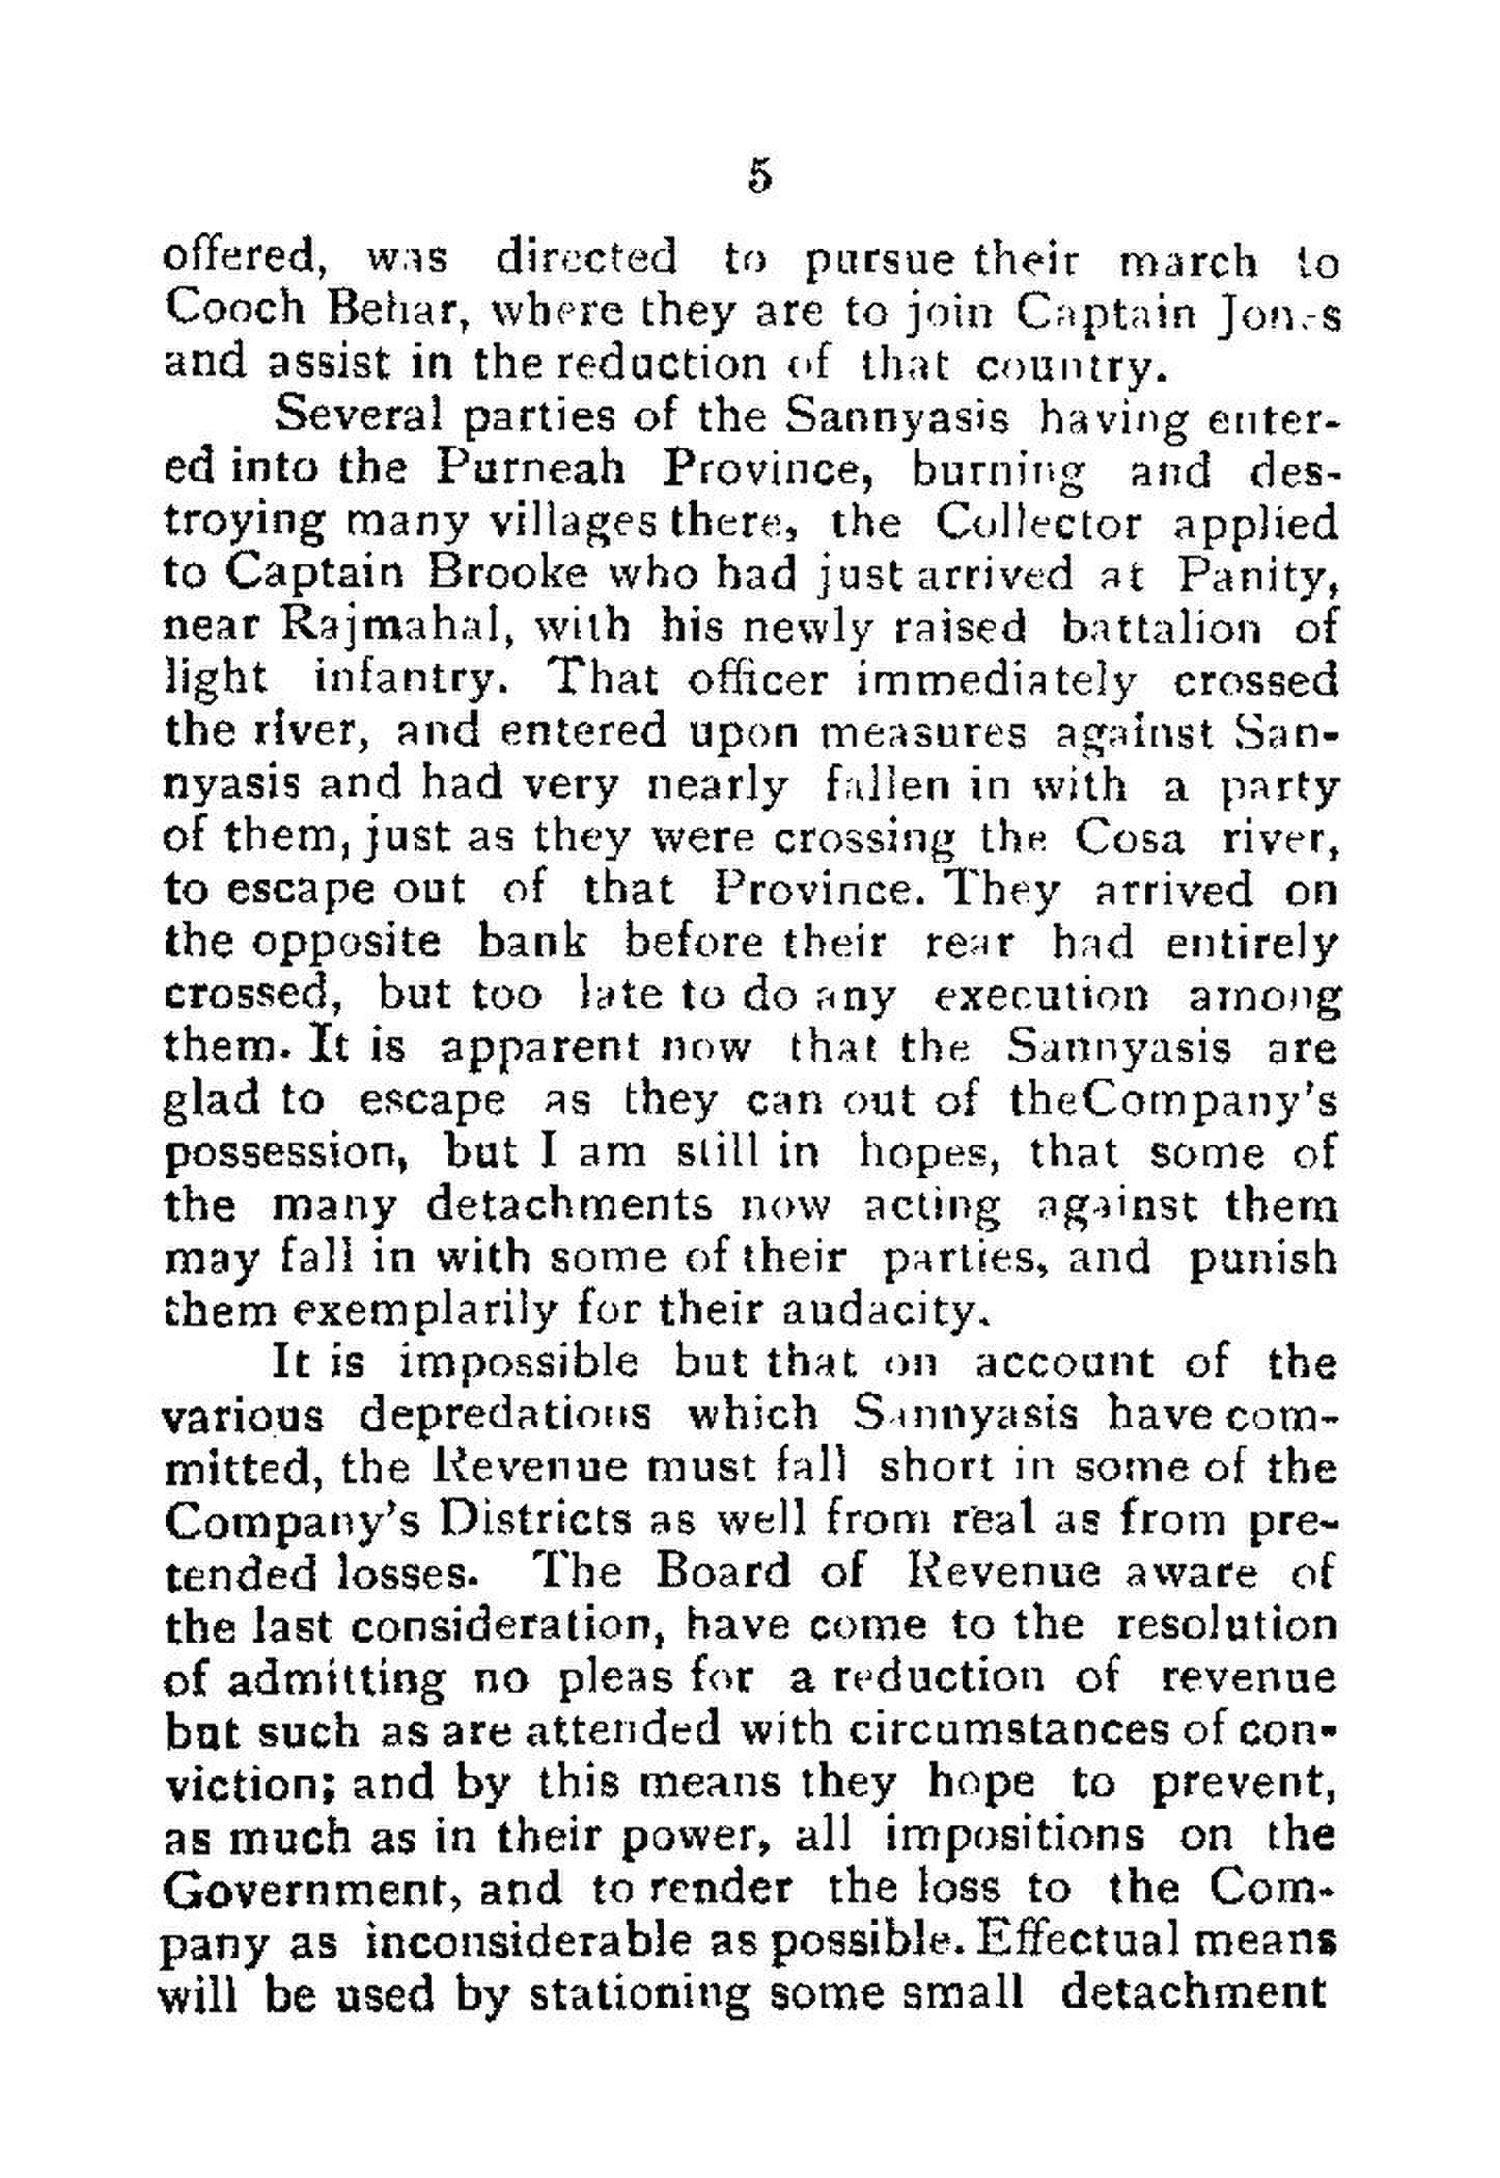offered, was directed to pursue their march to Cooch Behar, where they are to join Captain Jones and assist in the reduction of that country.

Several parties of the Sannyasis having entered into the Purneah Province, burning and destroying many villages there, the Collector applied to Captain Brooke who had just arrived at Panity, near Rajmahal, with his newly raised battalion of light infantry. That officer immediately crossed the river, and entered upon measures against Sannyasis and had very nearly fallen in with a party of them, just as they were crossing the Cosa river, to escape out of that Province. They arrived on the opposite bank before their rear had entirely crossed, but too late to do any execution among them. It is apparent now that the Sannyasis are glad to escape as they can out of the Company's possession, but I am still in hopes, that some of the many detachments now acting against them may fall in with some of their parties, and punish them exemplarily for their audacity.

It is impossible but that on account of the various depredations which Sannyasis have committed, the Revenue must fall short in some of the Company's Districts as well from real as from pretended losses. The Board of Revenue aware of the last consideration, have come to the resolution of admitting no pleas for a reduction of revenue bat such as are attended with circumstances of conviction; and by this means they hope to prevent, as much as in their power, all impositions on the Government, and to render the loss to the Company as inconsiderable as possible. Effectual means will be used by stationing some small detachment